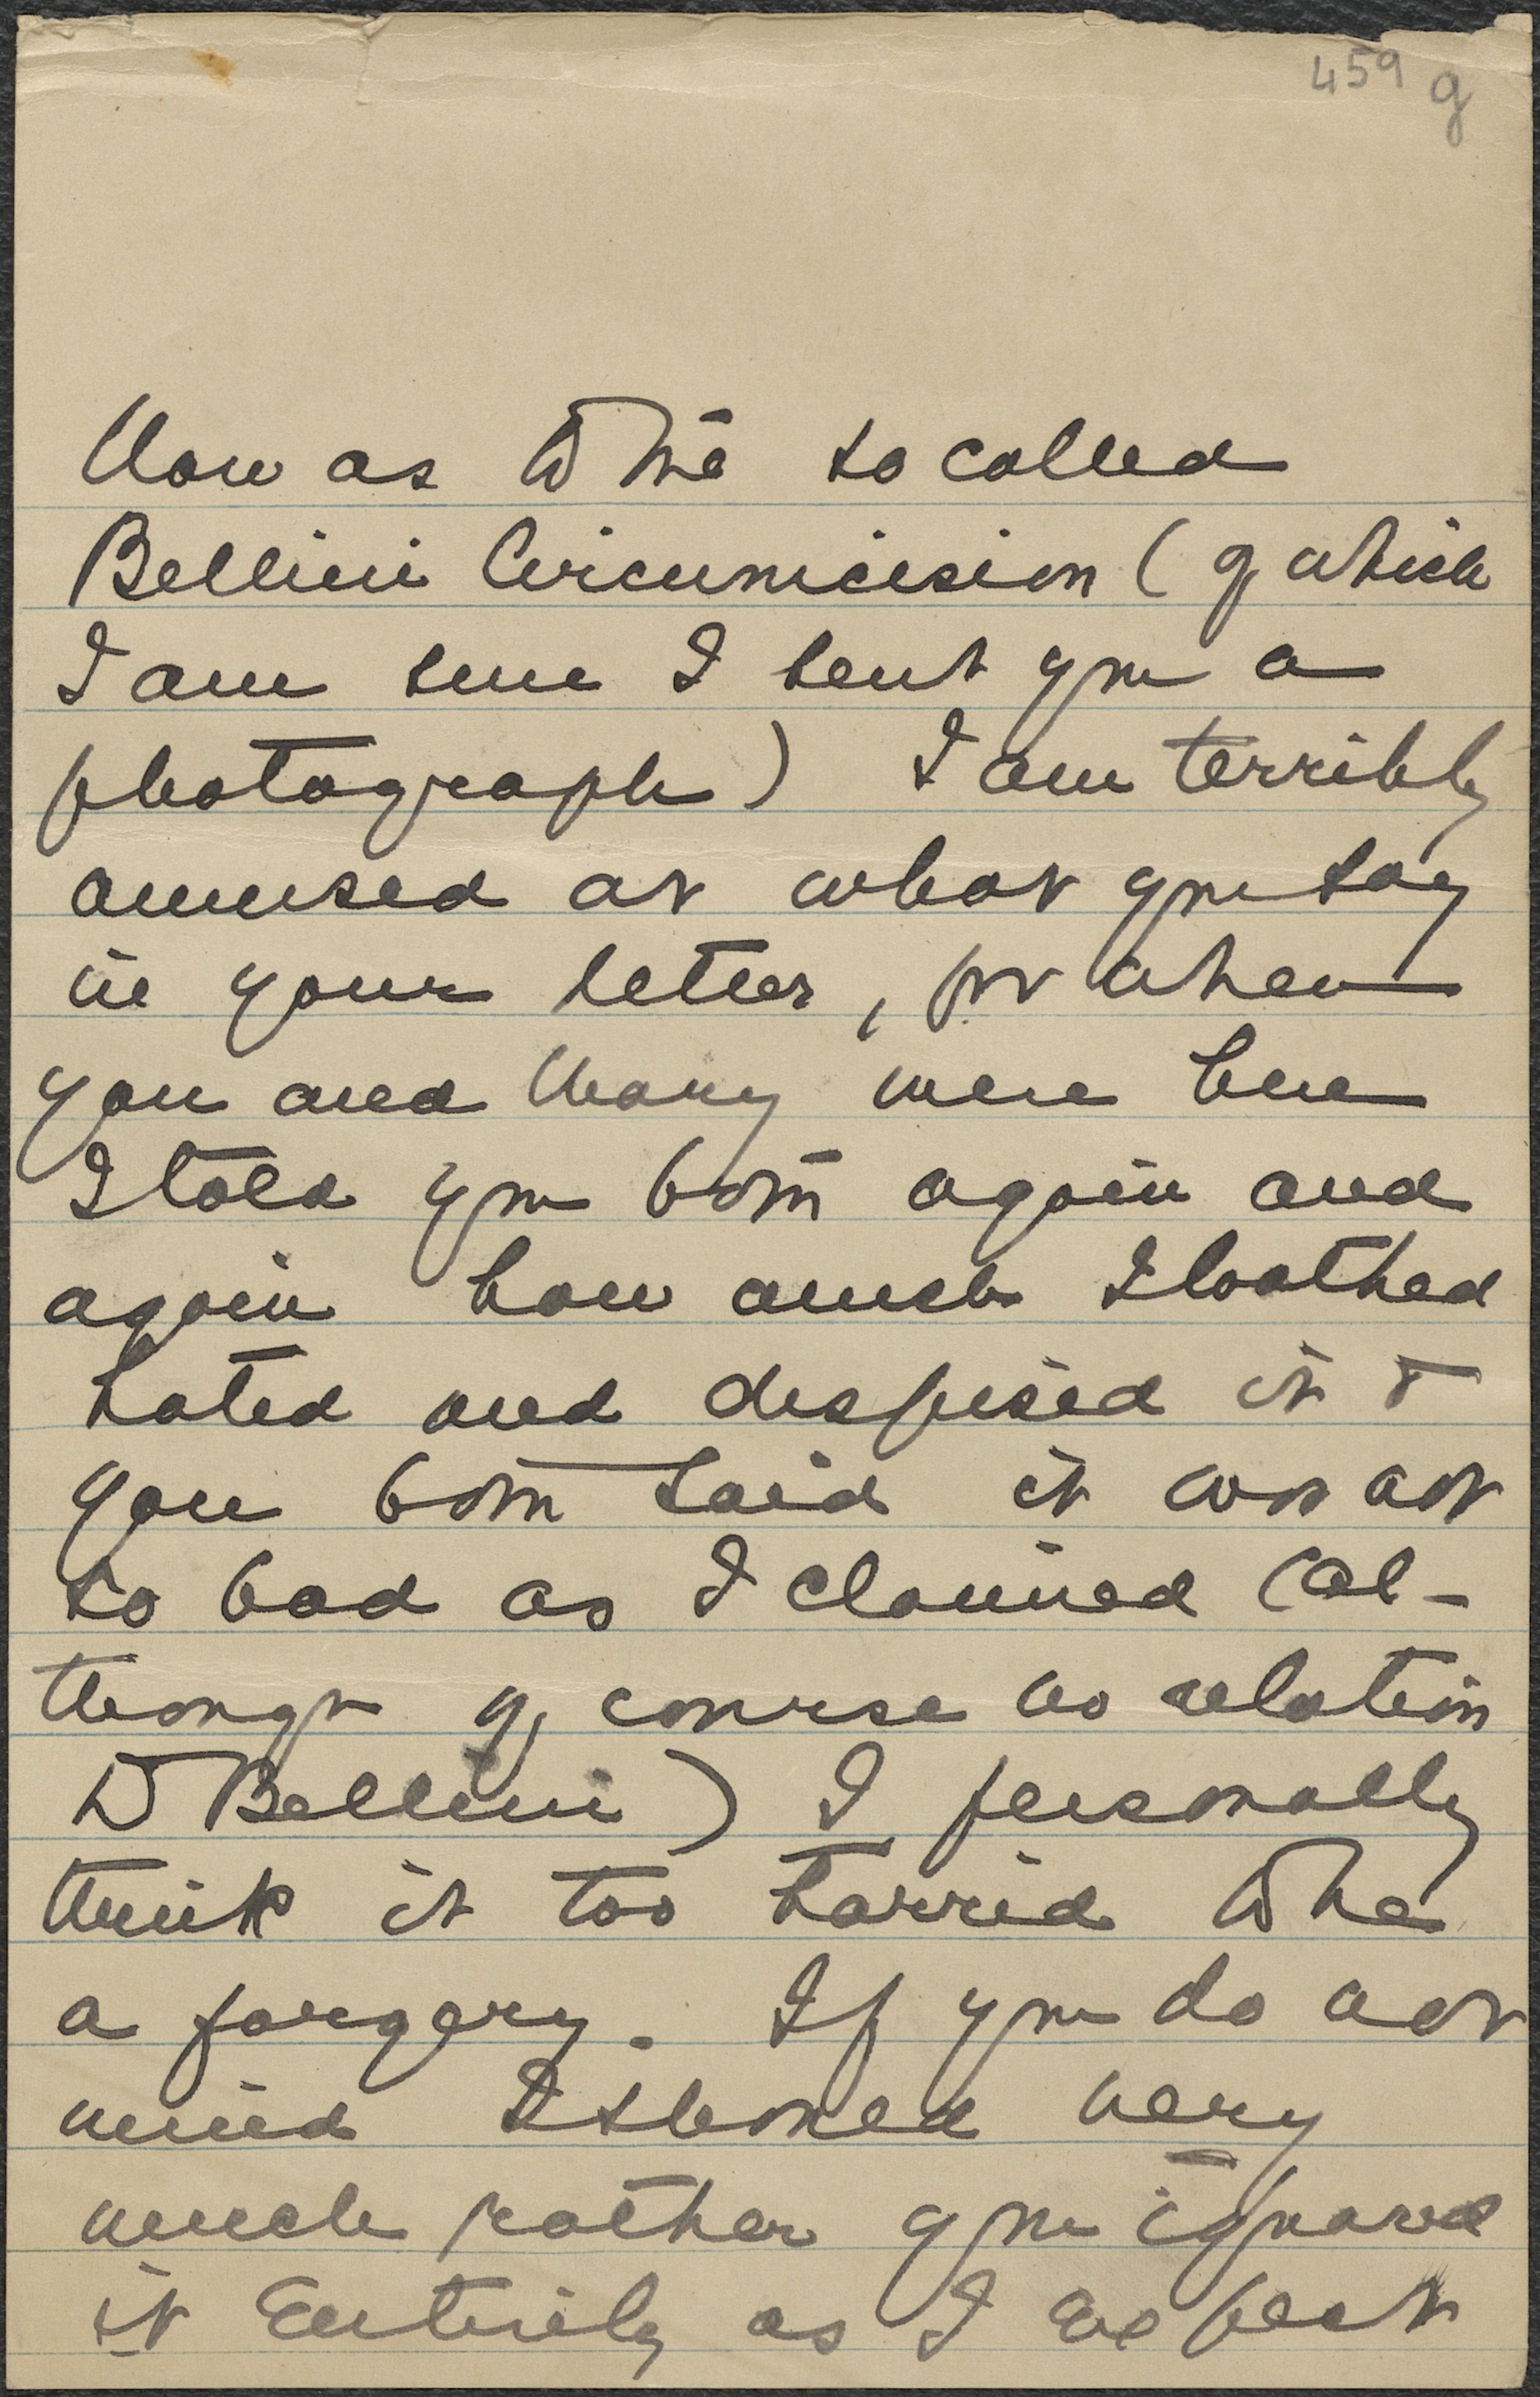Now as to the so called Bellini circumcision (of which I am sure I lent you a photograph) I am terribly amused at what you say in your letter, for when you and Mary were here I told you both again and again how much I loathed hated and despised it & you both said it was not so bad as I claimed (although of course no relation to Bellini) I personally think it too horrid to be a forgery. If you do not mind I should very much rather you ignored it entirely as I expect